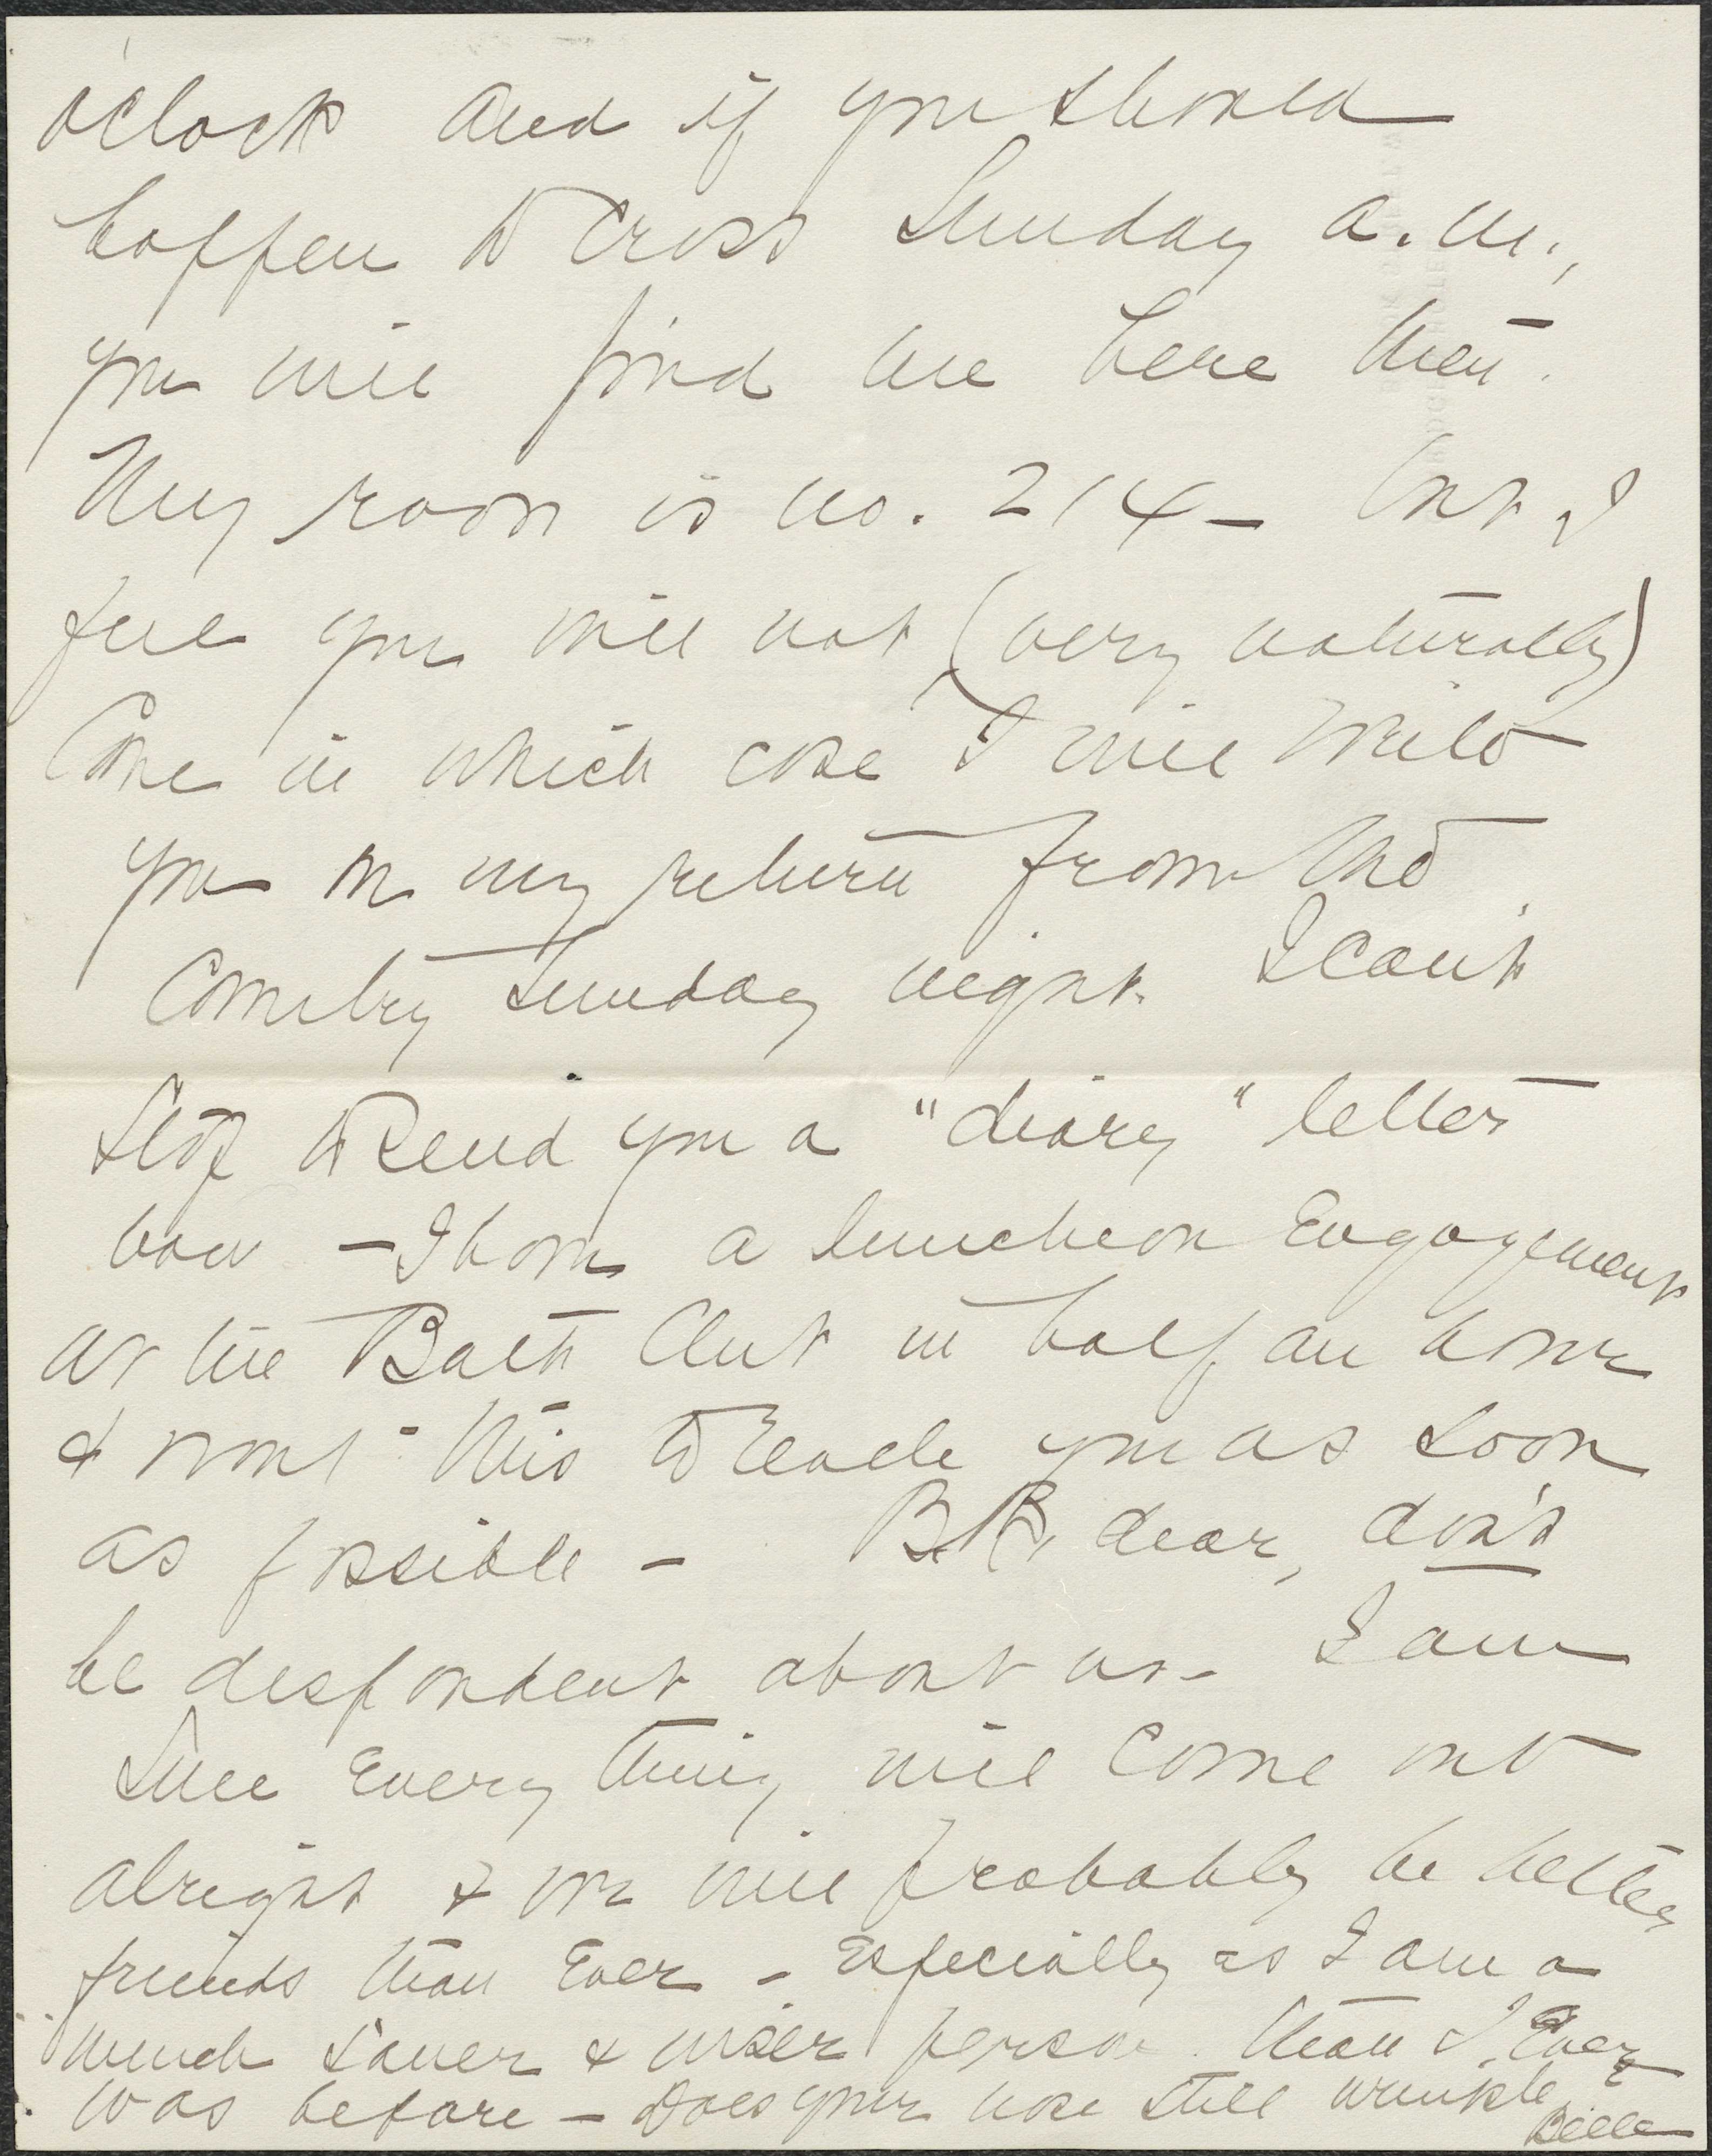o’clock and if you should happen to cross Sunday a.m., you will find me here then.
My room is no. 214 – but I feel you will not (very naturally) come in which case I will write you on my return from the country Sunday night. I can’t stop to send you a “diary” letter now – I have a luncheon engagement at the Bath Club in half an hour & want this to reach you as soon as possible – B. B. dear, don’t be despondent about us – I am sure every thing will come out alright & we will probably be better friends than ever – especially as I am a much saner & wiser person than I ever was before – Does your nose still wrinkle?
Belle